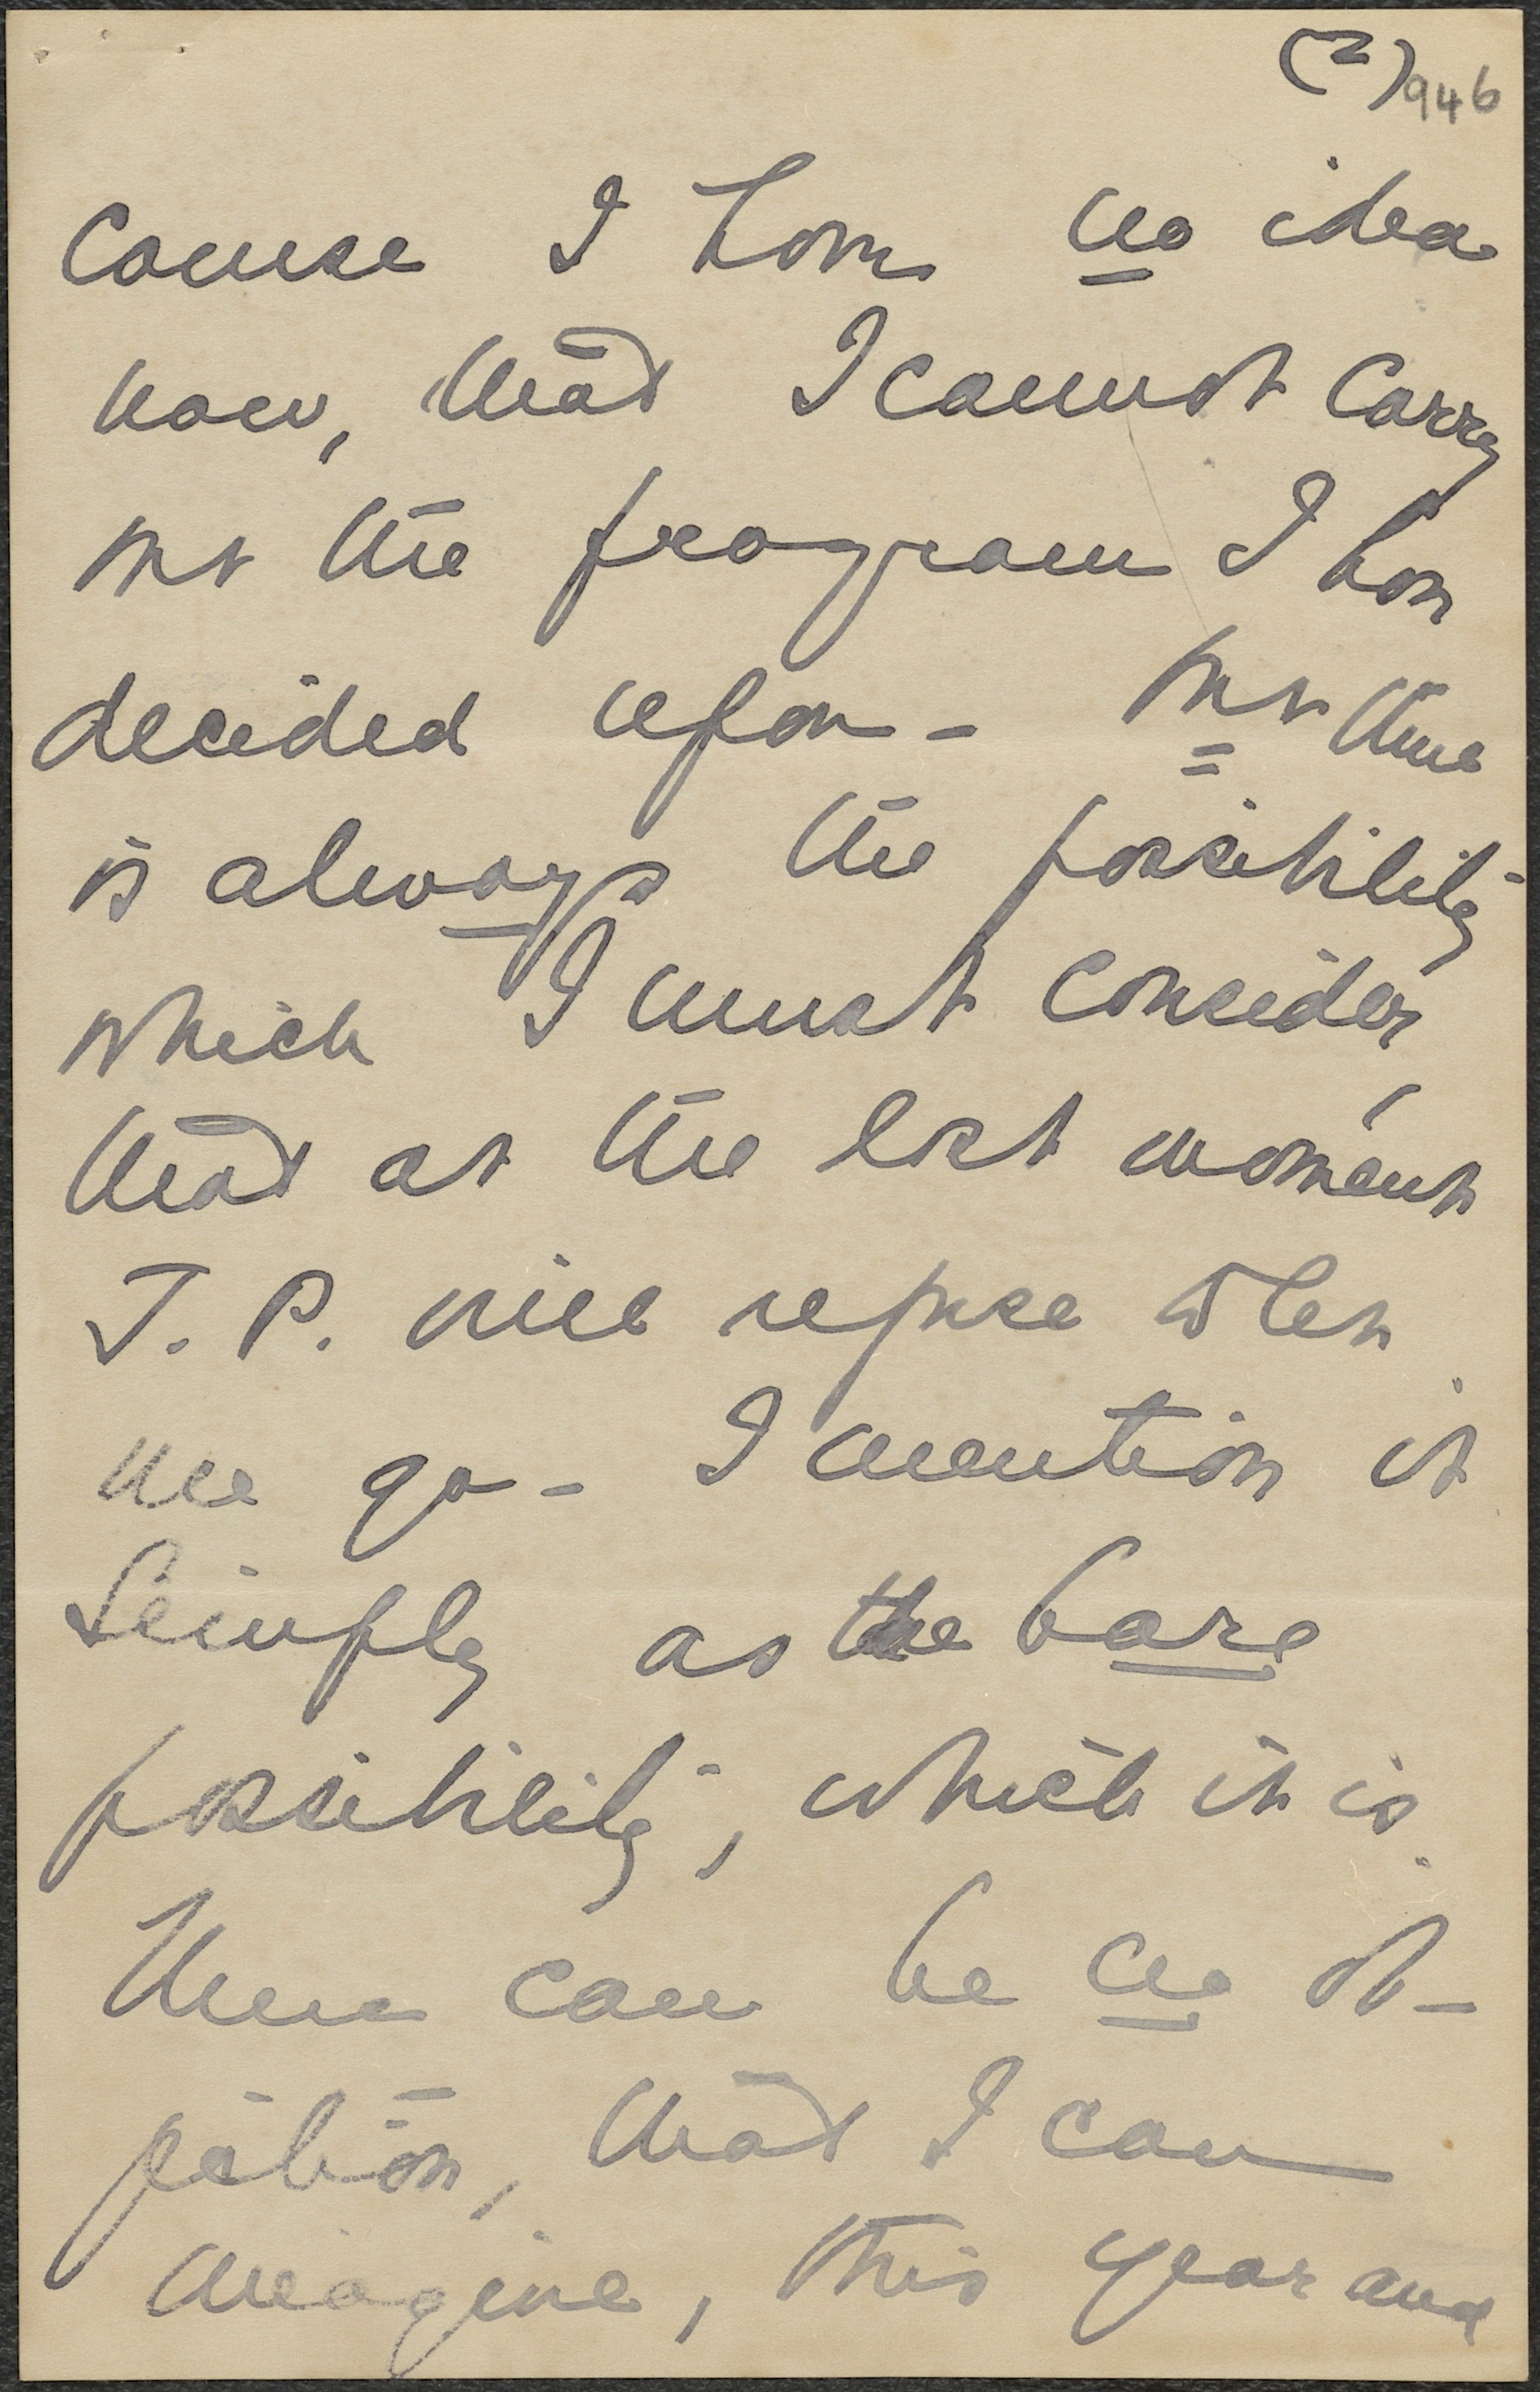(2)
course I have no idea now, that I cannot carry out the program I have decided upon – [double underlined: but] there is always the possibility which I must consider, that at the last moment J. P. will refuse to let me go – I mention it simply as the bare possibility, which it is.
There can be no opposition, that I can imagine, this year and